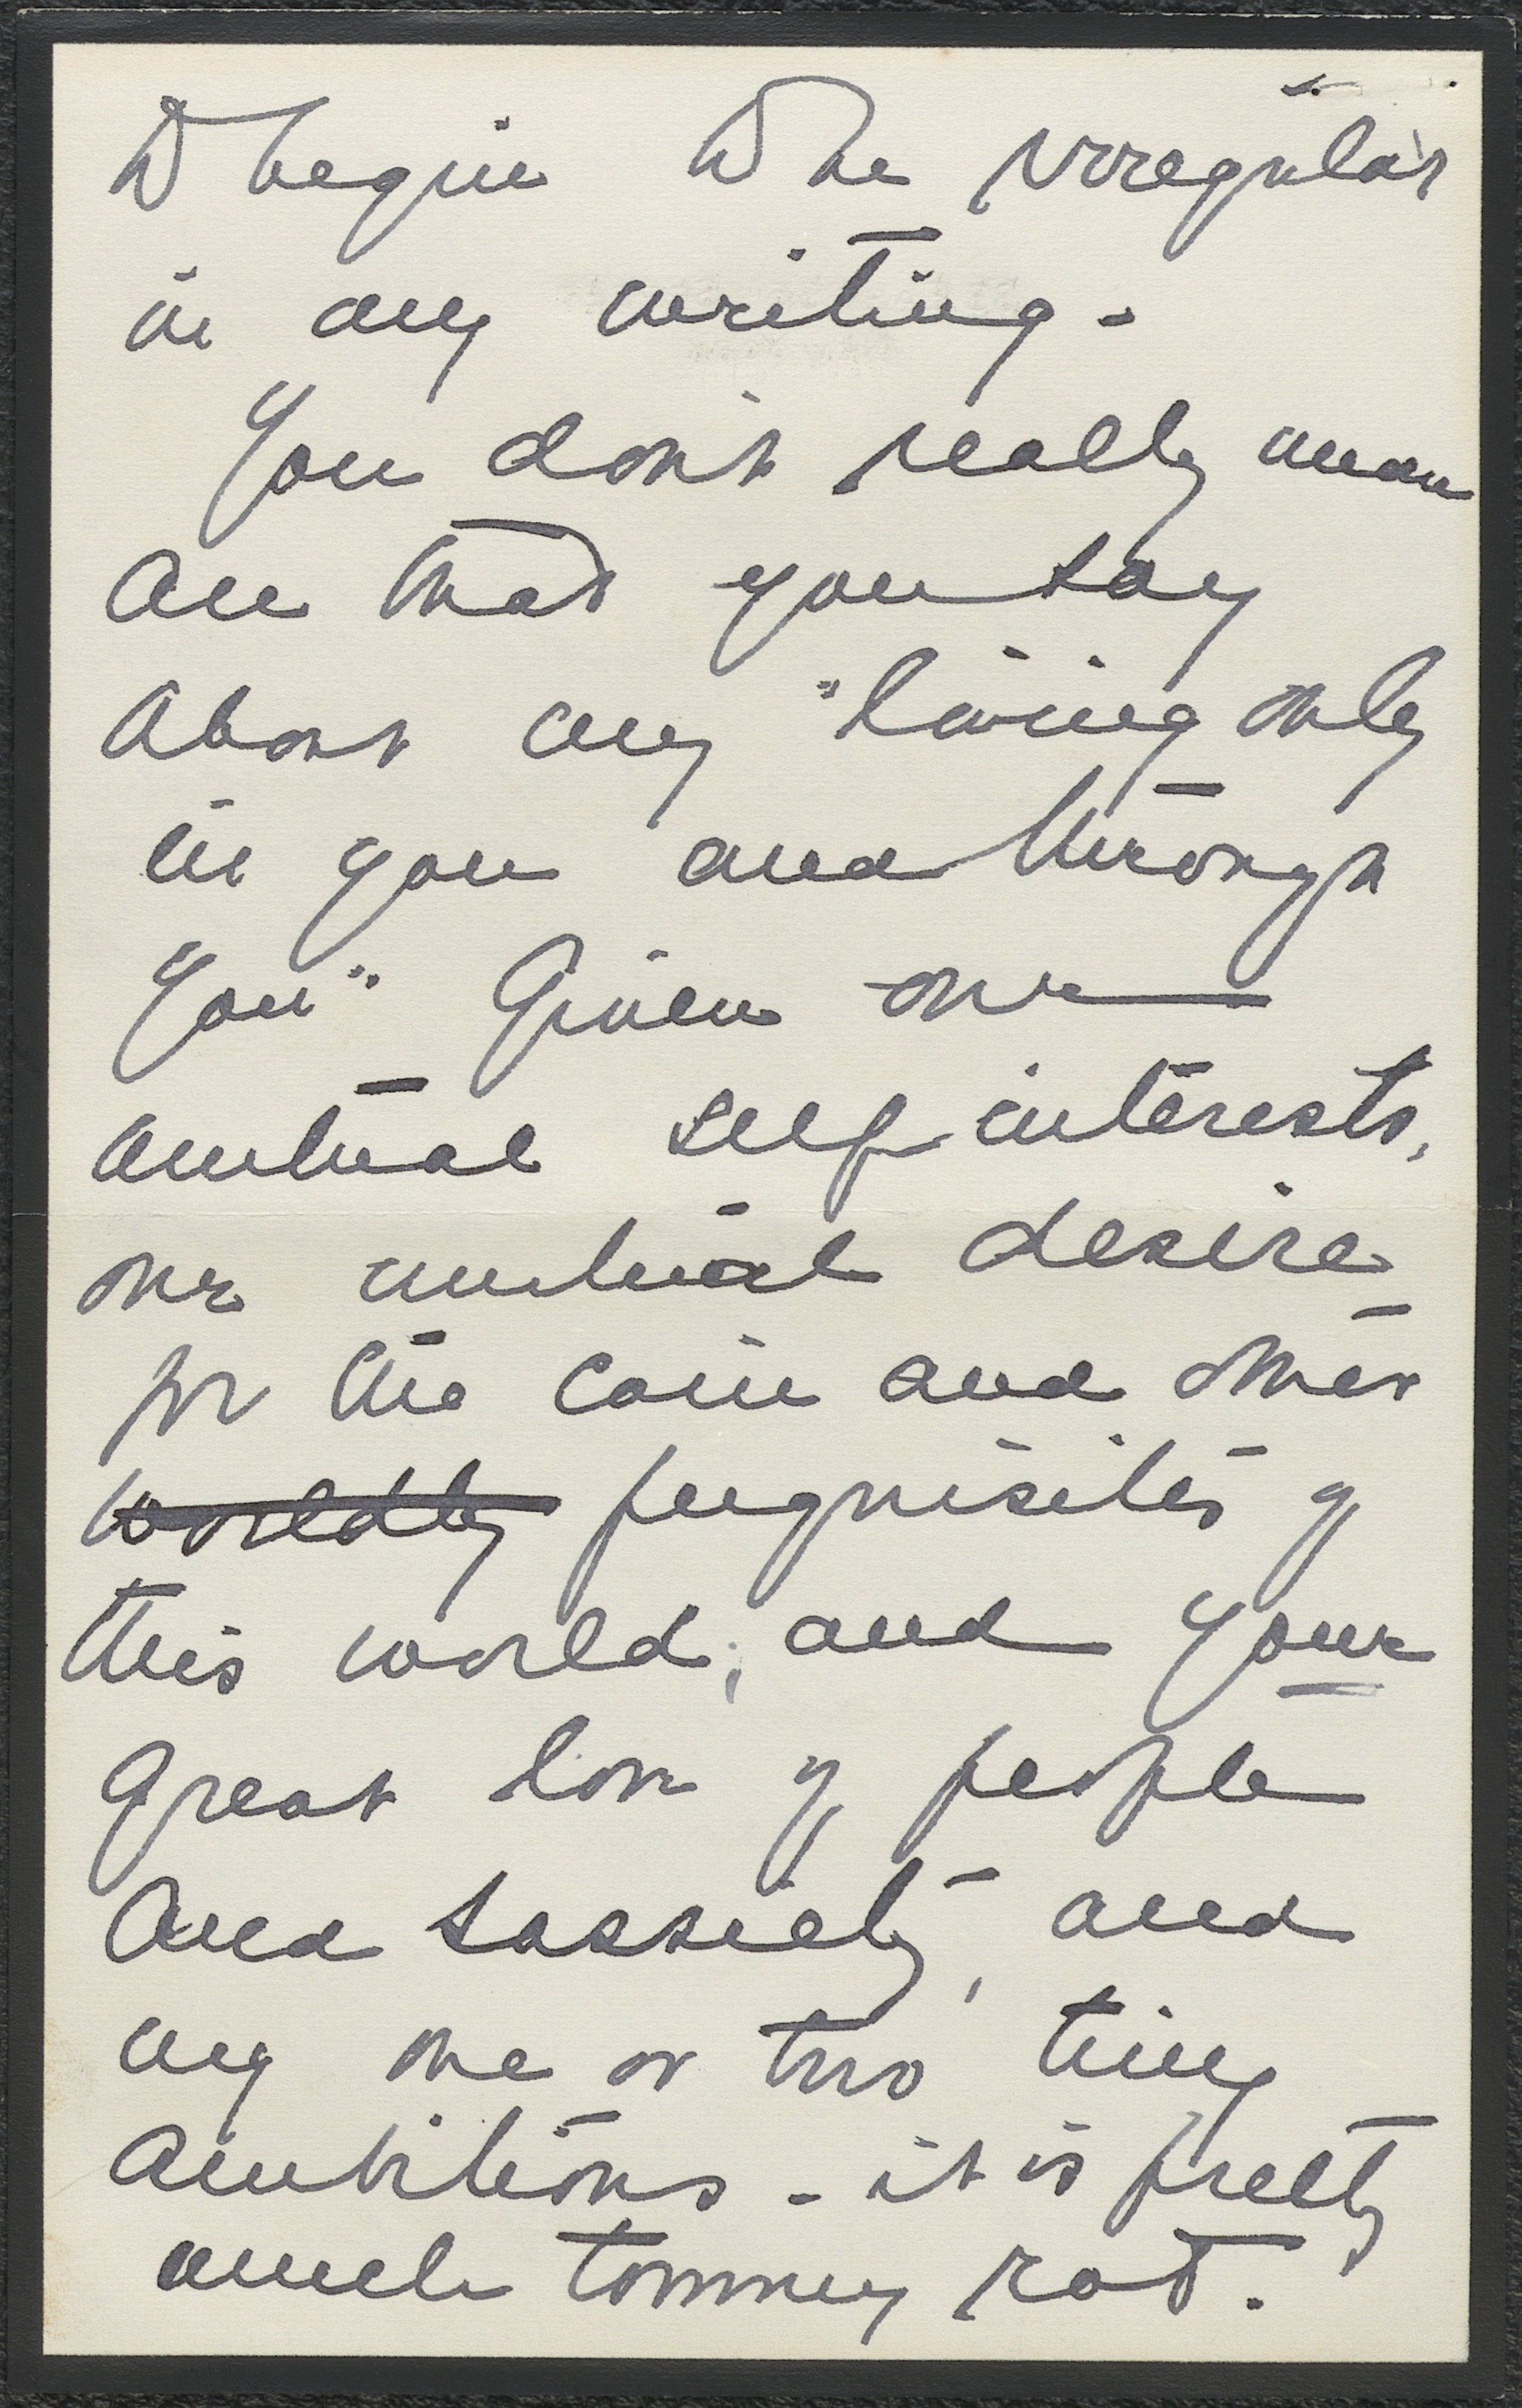to begin to be irregular in my writing.
You don’t really mean all that you say about my “living only in you and through you” Given our mutual self interests, our mutual desire for the coin and other worldly perquisites of this world; and your great love of people and sassiety, and my one or two tiny ambitions – it is pretty much tommy rot.